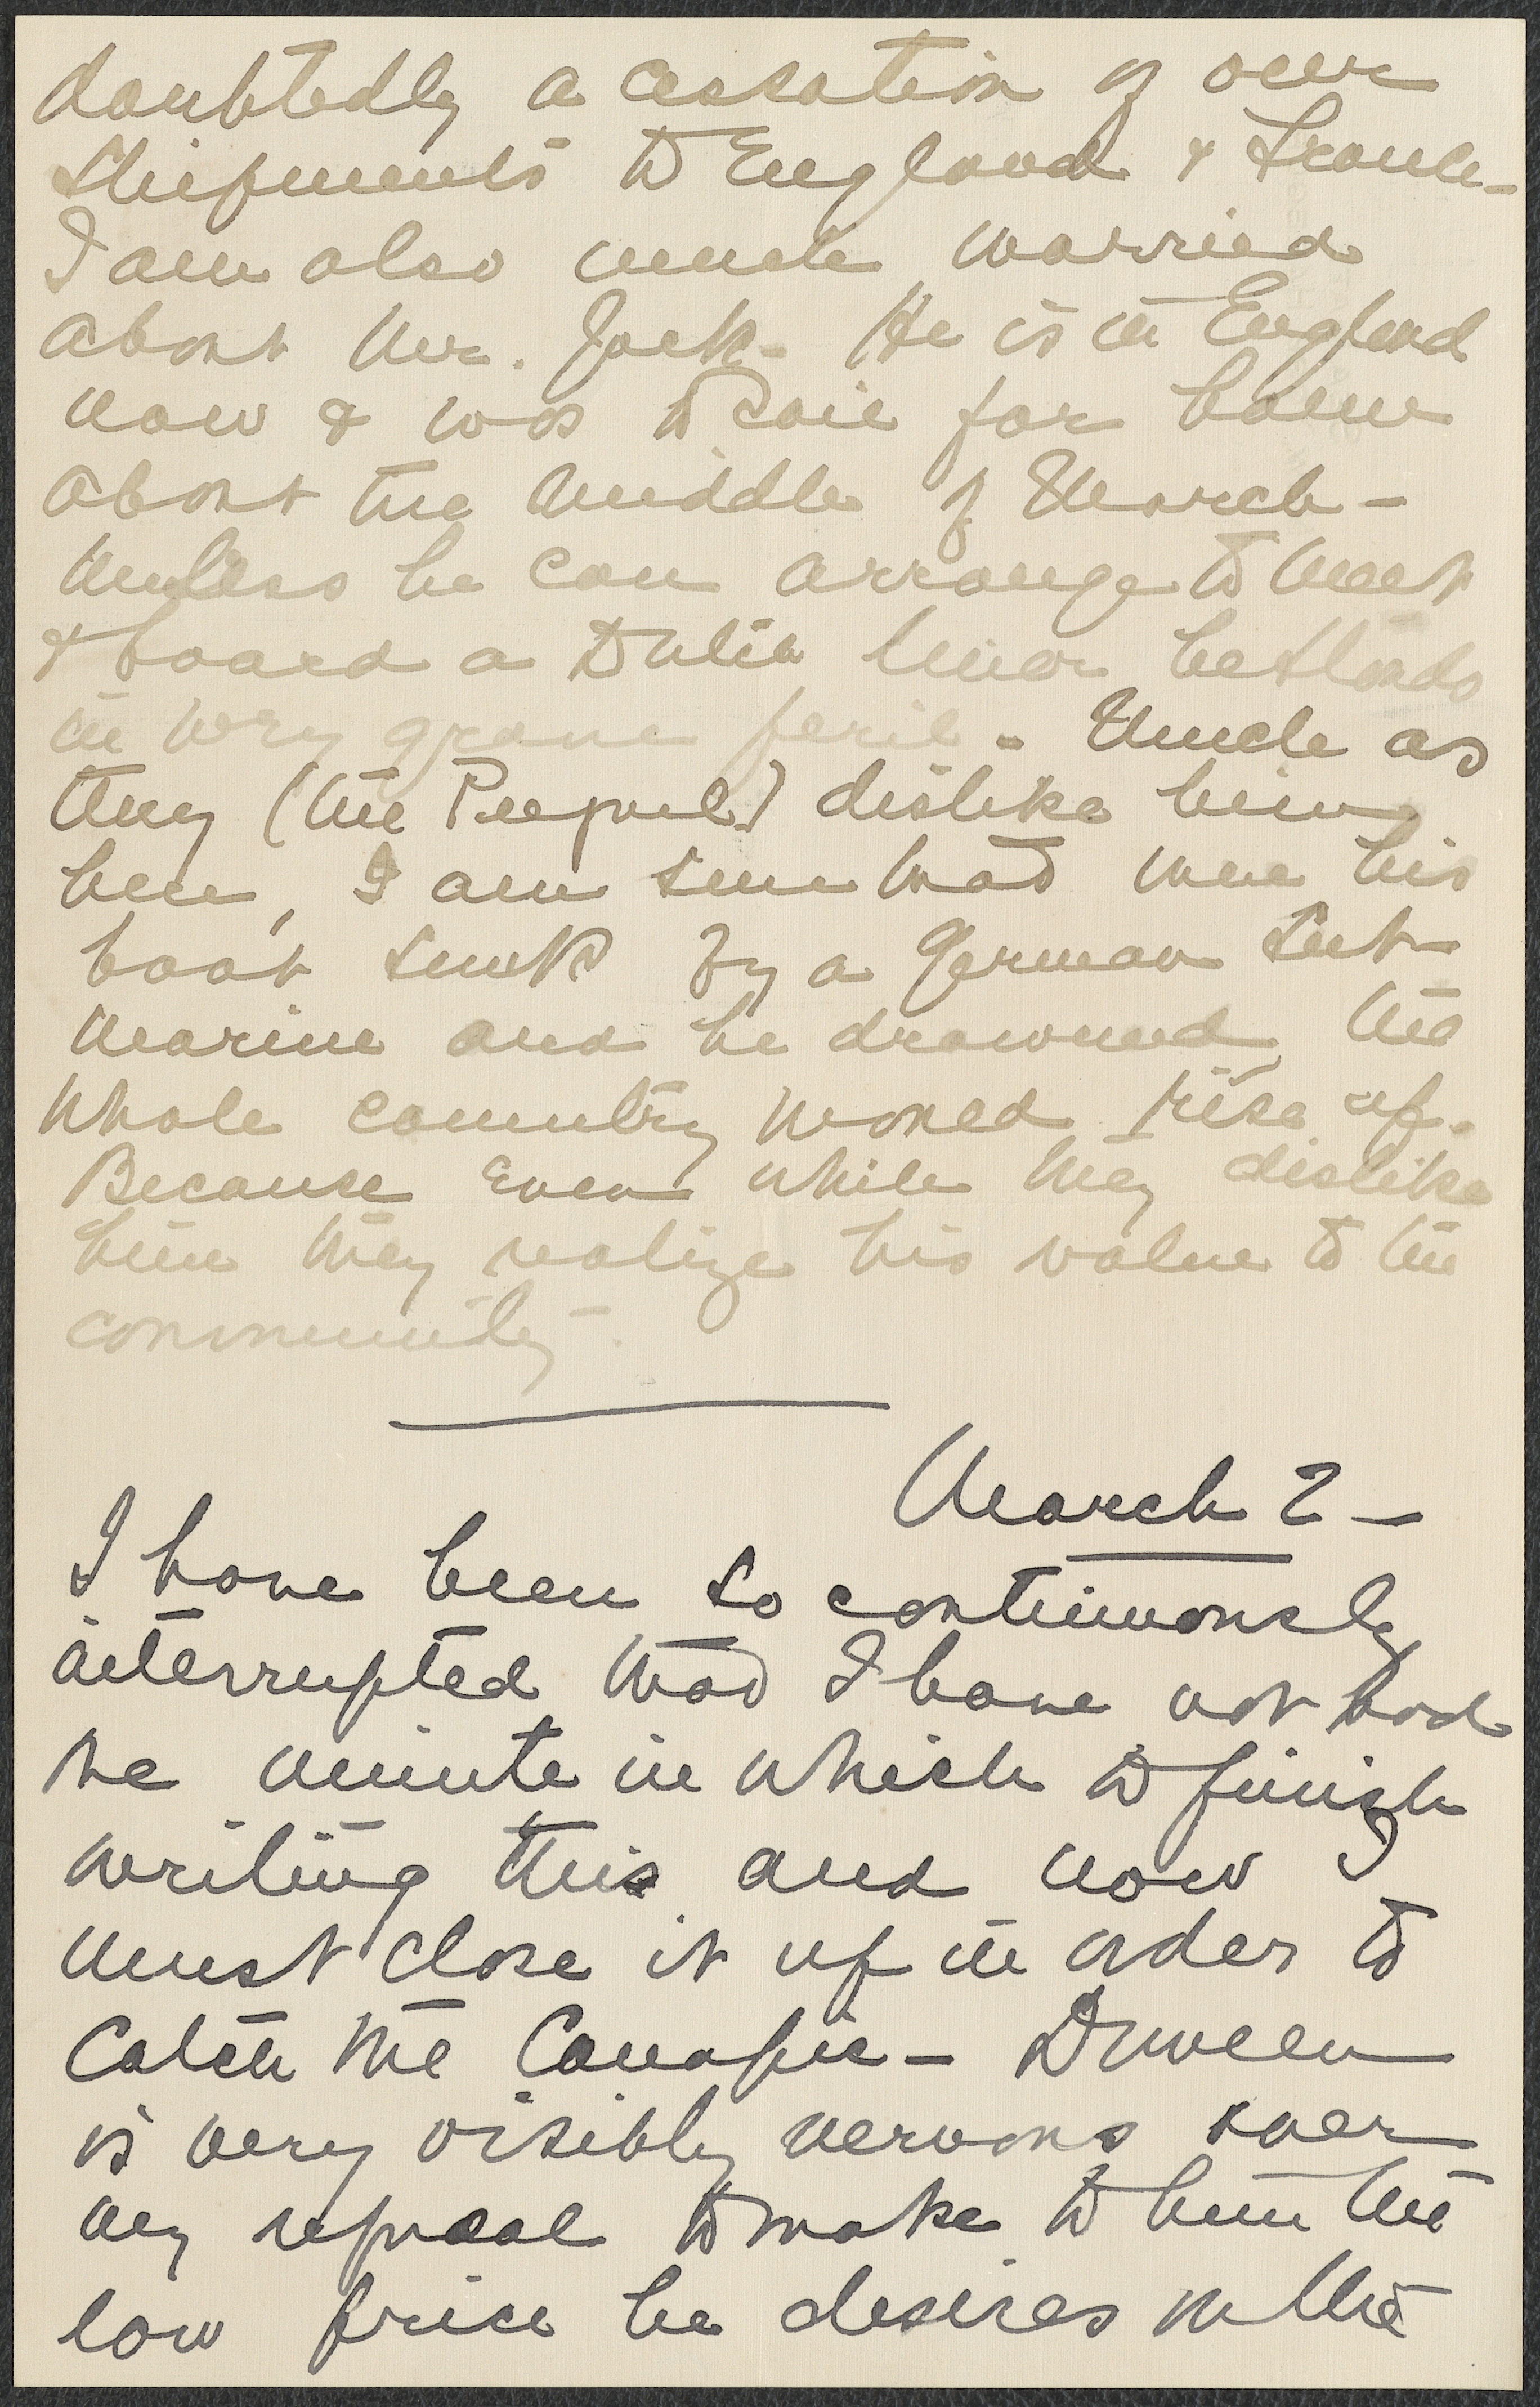undoubtedly a cessation of our shipments to England & France – I am also much worried about Mr. Jack – He is in England now & was to sail for home about the middle of March – unless he can arrange to meet & board a Dutch liner he stands in very grave peril – Much as they (the Peepul) dislike being here, I am sure that were his boat sunk by a German submarine and he drowned, the whole country would rise up. Because even while they dislike him they realize his value to the community
March 2 –
I have been so continuously interrupted that I have not had one minute in which to finish writing this and now must close it up in order to catch the Canopic – Duveen is very visibly nervous over my refusal to make to him the low price he desires in the